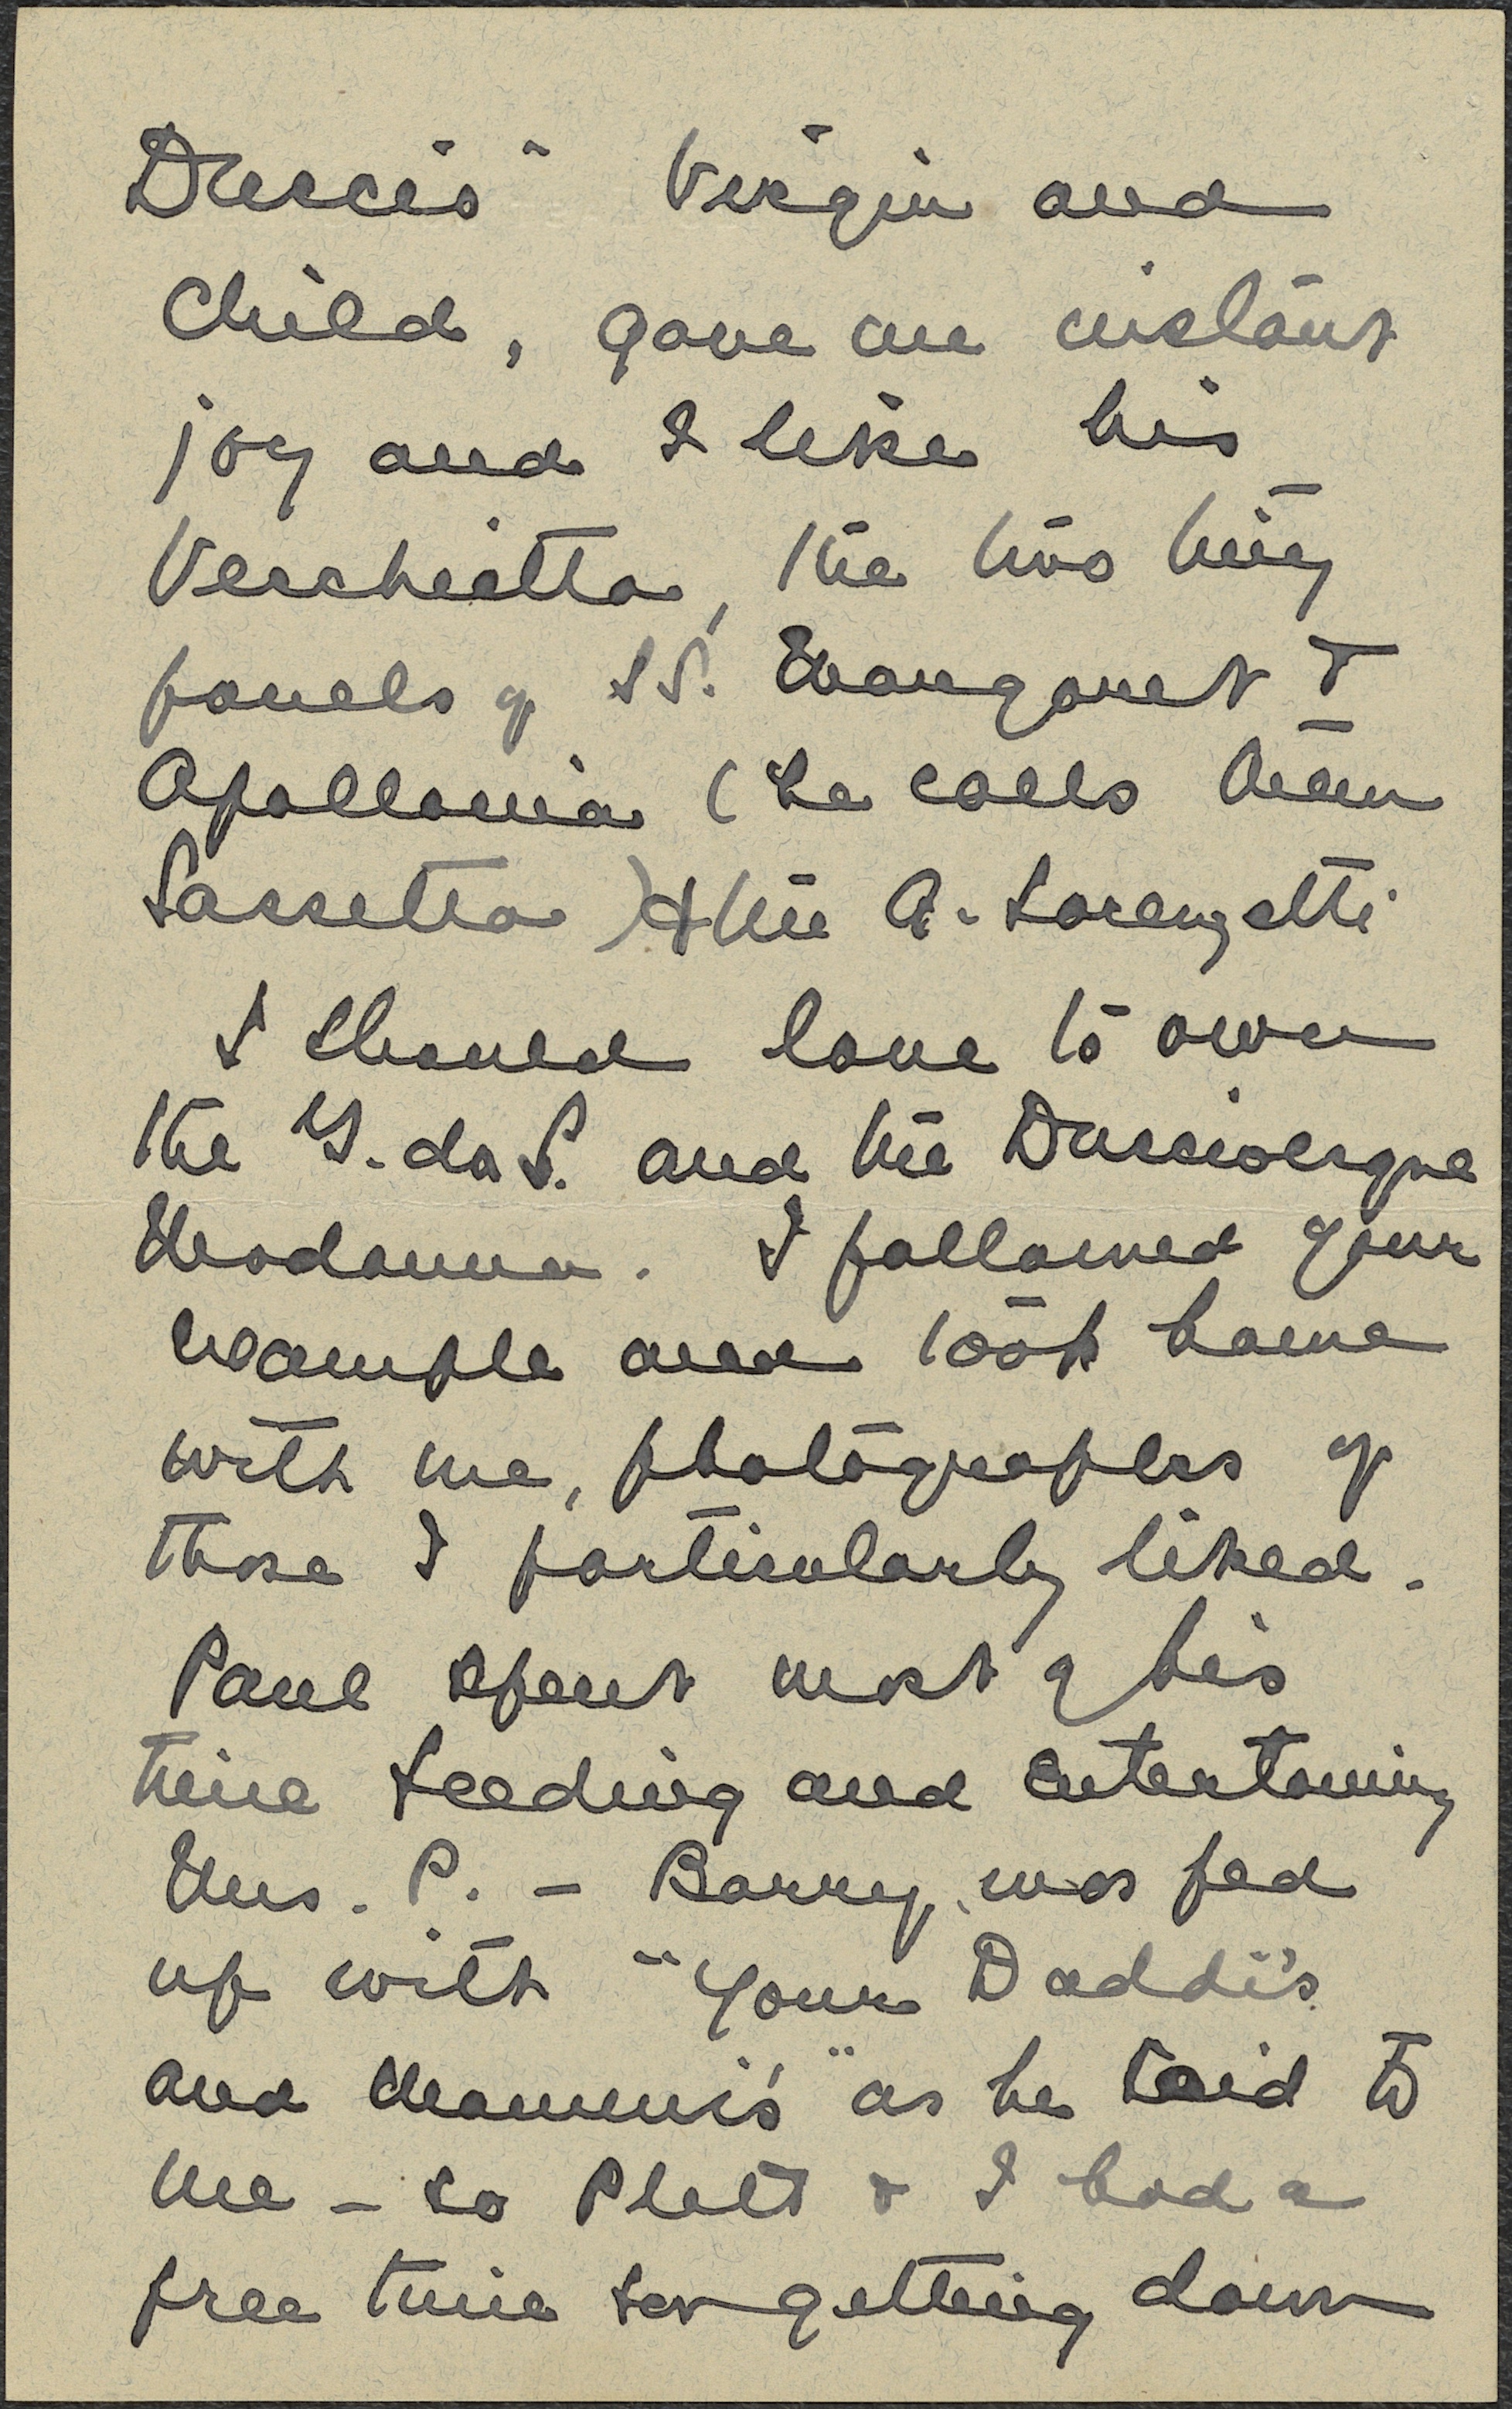Duccio" Virgin and Child, gave an instant joy and I like his Verchietta, the two tiny panels of SS. Margaret & Apollonia (he calls them Sassetia) & the A. Lorenzetti
I should love to own the G. da S. and the Duccioregne Madonna. I followed your example and took home with me, photographs of those I particularly liked.
Paul spent most of his time feeding and entertaining Mrs. P. – Barry was fed up with "Your Daddi's and Mammi's" as he said to me – so Platt & I had a free time for getting down